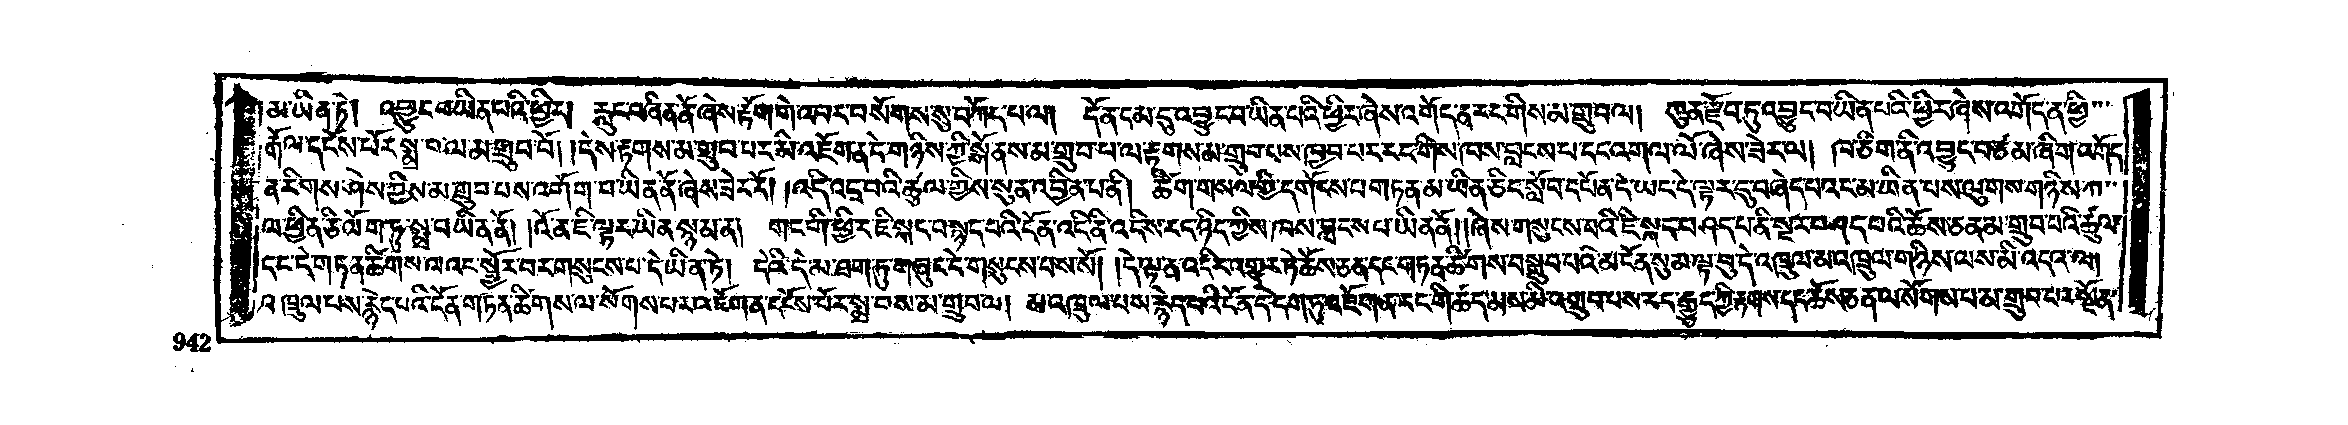མ་ཡིན་ཏེ། འབྱུང་བ་ཡིན་པའི་ཕྱིར། རླུང་བཞིན་ནོ་ཞེས་རྟོག་གེ་འབར་བ་སོགས་སུ་བཀོད་པ་ལ། དོན་དམ་དུ་འབྱུང་བ་ཡིན་པའི་ཕྱིར་ཞེས་འགོད་ན་རང་གིས་མ་གྲུབ་ལ། ཀུན་རྫོབ་ཏུ་འབྱུང་བ་ཡིན་པའི་ཕྱིར་ཞེས་འགོད་ན་ཕྱི་
རྒོལ་དངོས་པོར་སྨྲ་བ་ལ་མ་གྲུབ་བོ། །དེས་རྟགས་མ་གྲུབ་པར་མི་འཇོག་ན་དེ་གཉིས་ཀྱི་སྒོ་ནས་མ་གྲུབ་པ་ལ་རྟགས་མ་གྲུབ་པས་ཁྱབ་པར་རང་གིས་ཁས་བླངས་པ་དང་འགལ་ལོ་ཞེས་ཟེར་ལ། ཁ་ཅིག་ནི་འབྱུང་བ་ཙམ་ཞིག་འགོད་
ན་རིགས་ཤེས་ཀྱིས་མ་གྲུབ་པས་འགོག་པ་ཡིན་ནོ་ཞེས་ཟེར་རོ། །འདི་འདྲ་བའི་ཚུལ་གྱིས་སུན་འབྱིན་པ་ནི། ཚིག་གསལ་གྱི་དགོངས་པ་གཏན་མ་ཡིན་ཅིང་སློབ་དཔོན་དེ་ཡང་དེ་ལྟར་དུ་བཞེད་པའང་མ་ཡིན་པས་ལུགས་གཉིས་ཀ་
ལ་ཕྱིན་ཅི་ལོག་ཏུ་སྨྲ་བ་ཡིན་ནོ། །འོ་ན་ཇི་ལྟར་ཡིན་སྙམ་ན། གང་གི་ཕྱིར་ཇི་སྐད་བསྙད་པའི་དོན་འདི་ནི་འདིས་རང་ཉིད་ཀྱིས་ཁས་བླངས་པ་ཡིན་ནོ། །ཞེས་གསུངས་པའི་ཇི་སྐད་བཤད་པ་ནི་སྔར་བཤད་པའི་ཆོས་ཅན་མ་གྲུབ་པའི་ཚུལ་
དང་དེ་གཏན་ཚིགས་ལའང་སྦྱོར་བར་གསུངས་པ་དེ་ཡིན་ཏེ། དེའི་དེ་མ་ཐག་ཏུ་གཞུང་དེ་གསུངས་པས་སོ། །དེ་ལྟ་ན་འདིར་འགྱུར་ཏེ་ཆོས་ཅན་དང་གཏན་ཚིགས་བསྒྲུབ་པའི་མངོན་སུམ་ལྟ་བུ་དེ་འཁྲུལ་མ་འཁྲུལ་གཉིས་ལས་མི་འདའ་ལ།
འཁྲུལ་པས་རྙེད་པའི་དོན་གཏན་ཚིགས་ལ་སོགས་པར་འཇོག་ན་དངོས་པོར་སྨྲ་བ་ལ་མ་གྲུབ་ལ། མ་འཁྲུལ་བས་རྙེད་པའི་དོན་དེ་དག་ཏུ་འཇོག་ན་རང་གི་ཚད་མས་མི་འགྲུབ་པས་རང་རྒྱུད་ཀྱི་རྟགས་དང་ཆོས་ཅན་ལ་སོགས་པ་མ་གྲུབ་པར་སྔོན་